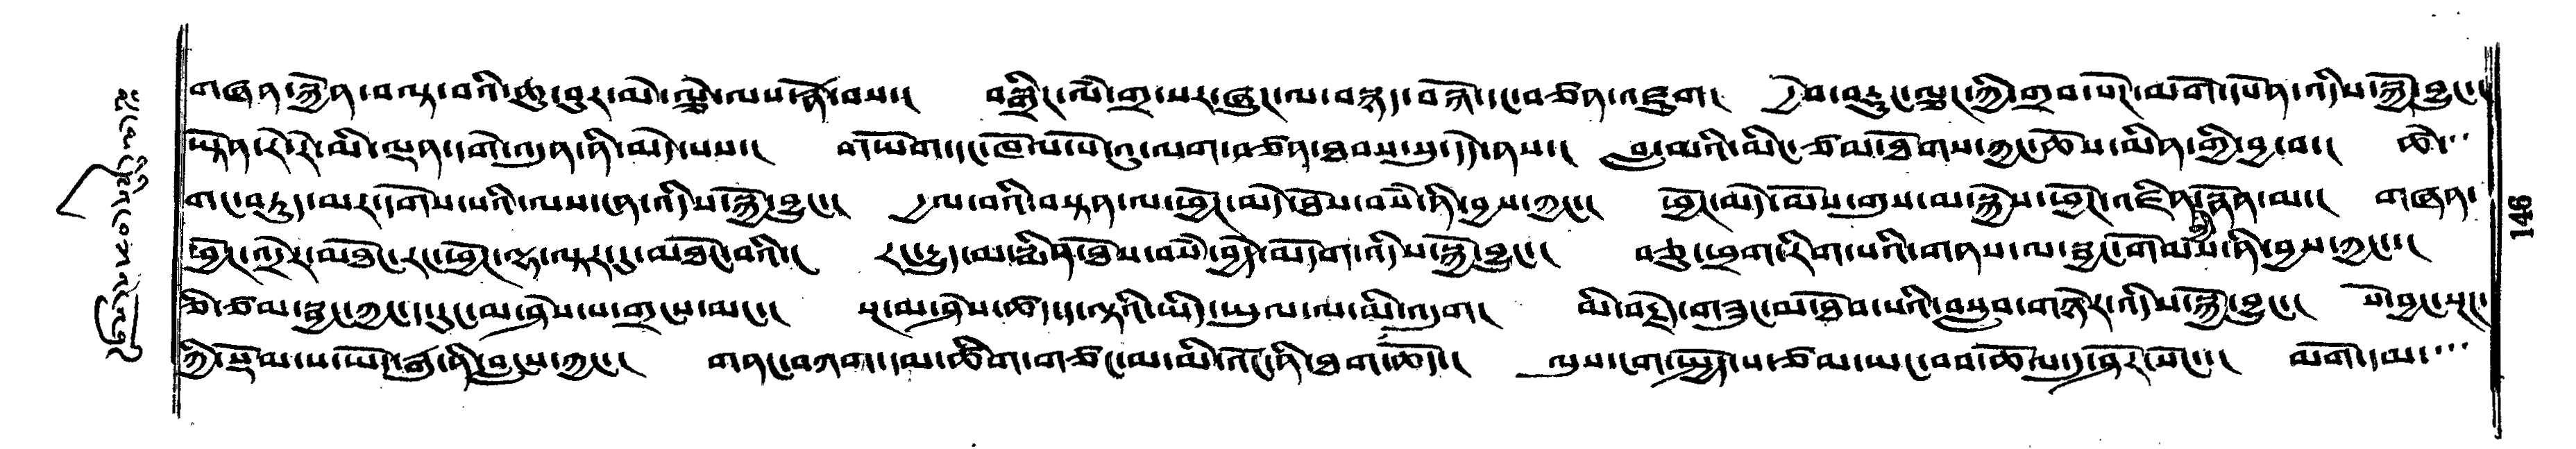།གཞན་སྐྱོན་ལྟ་བའི་ཆུ་བུར་མེ་ལྕེ་ལས་རྣོ་བས། །བསྒྲིགས་ལམ་གྲྭ་སར་ཞུགས་ལ་བསྙད་བསྐོ་དང་བཙན་འཛུད། །རྒྱག་རྡུང་ལྕགས་ཀྱིས་བྲབ་སོགས་མགོ་དཔོན་འདིས་སྐྱོ་བྱུང་། །
ཡོན་ཏན་རེ་རེ་མི་ལྡན་དགེ་འདུན་ནི་མེད་པས། །གཡོག་དང་ཁོལ་པོ་འུ་ལག་བཙན་ཐབས་སུ་དེད་ནས། །བླ་མའི་མིང་ཙམ་ཐོགས་ཀྱང་ཆོས་མིན་གྱི་བྱ་བ། །ཚེ་
གང་བཏུད་མར་དགོས་པའི་ལས་ངན་འདིས་སྐྱོ་བྱུང་། །རྒྱལ་བའི་བསྟན་ལ་ཕྱོགས་མེད་ཐོས་བསམ་ནི་བྱས་ཀྱང་། །ཕྱོགས་མེད་མོས་གུས་མ་སྐྱེས་ཕྱོགས་འཛིན་གྱི་སྣོན་མ། །གཞན་
ཕྱོགས་འདྲེར་མཐོང་རང་ཕྱོགས་ལྷ་ལྟར་དུ་མཐོང་བའི། །རང་རྒྱུད་མ་སྨིན་ཐོས་བསམ་བྱེད་མདོག་འདིས་སྐྱོ་བྱུང་། །བཅུ་ཕྲག་རིག་པའི་གནས་ལ་སྦྱང་གོམས་ནི་བྱས་ཀྱང་། །
ཅི་ཙམ་སྦྱངས་ཀྱང་ད་དུང་མ་ཤེས་པ་གྲངས་མང་། །སྔ་མ་ཤེས་ཚད་ད་ལྟའི་ཡིད་ཡུལ་ལ་མི་འདུག།མི་བརྗེད་གཟུངས་མ་ཐོབ་པའི་བསླབ་གཉེར་འདིས་སྐྱོ་བྱུང་། །སོ་བྱང་སྔགས་
ཀྱི་སྡོམ་པ་ཡོད་རྒུ་ནི་བླངས་ཀྱང་། །གནང་བཀག་དམ་ཚིག་གཙང་མ་མི་འོང་ནི་ཐག་ཆོད། །ལུས་ངག་སྤྱོད་པ་ཙམ་ཡང་བབ་འཆོལ་དུ་ཤོར་སོང་། །མགོ་བསྡམ་